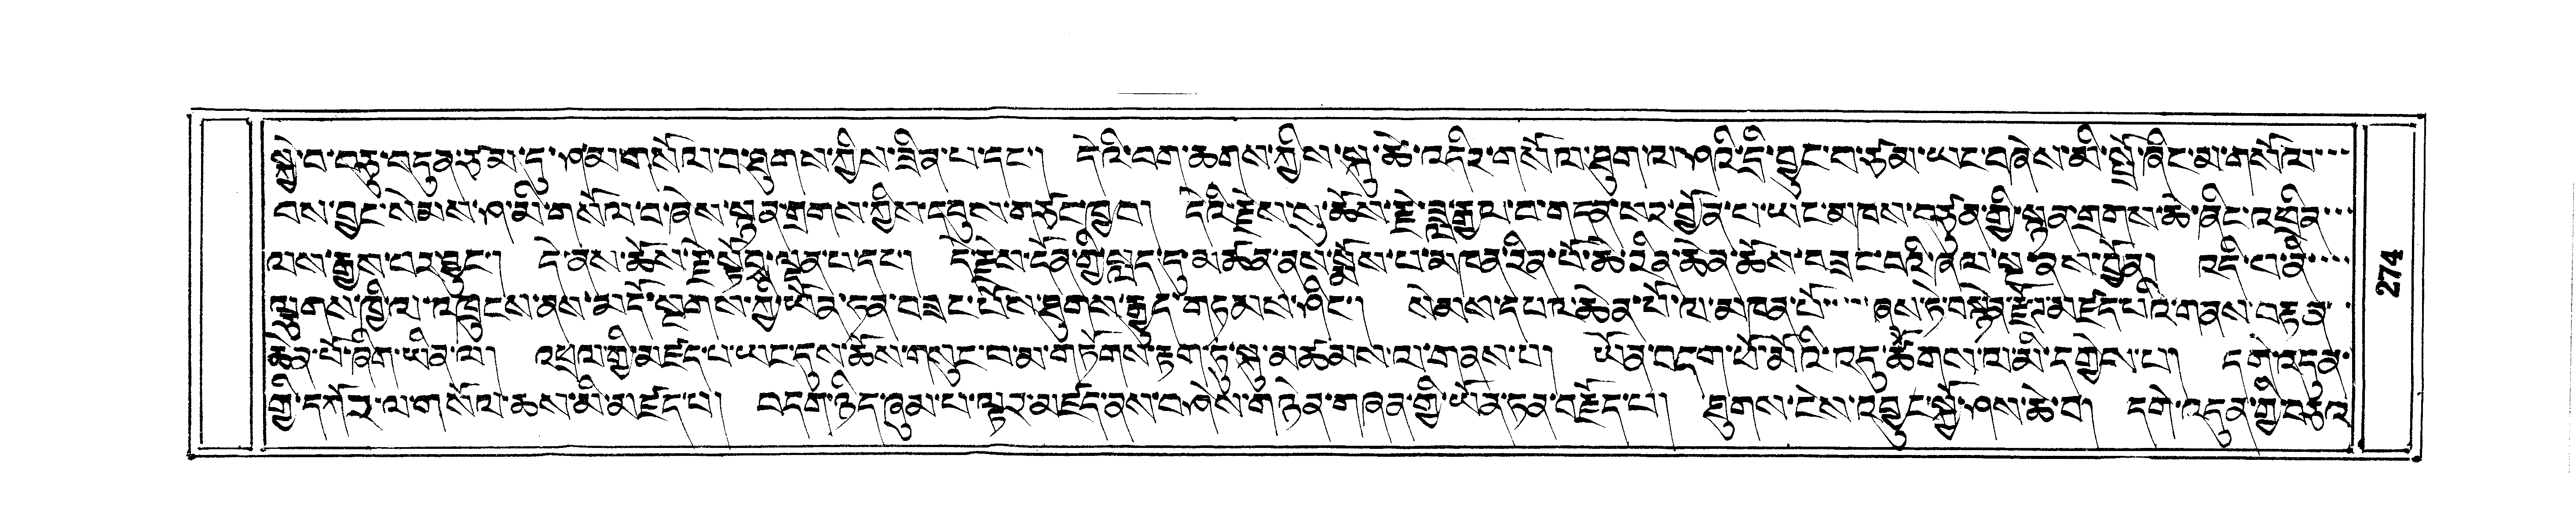སྐྱེ་བ་བཅུ་བདུན་ཙམ་དུ་ཤ་མ་གསོལ་བ་ཐུགས་ཀྱིས་ཟིན་པ་དང་། དེའི་བག་ཆགས་ཀྱིས་སྐུ་ཚེ་འདིར་གསོལ་ཐུག་ལ་ཤཱི་དྲི་བྱུང་བ་ཙམ་ཡང་བཞེས་མི་སྤྲོ་ཞིང་མ་གསོལ་
བས་བྱང་སེམས་ཤ་མིག་གསོལ་བ་ཞེས་སྙན་གྲགས་ཀྱིས་དབུས་གཙང་ཁྱབ། དེའི་རྗེས་སུ་ཆོས་རྗེ་ཟླ་རྒྱལ་བ་གདན་སར་བྱོན་པ་ཡང་མཁས་བརྩུན་གྱི་སྙན་གྲགས་ཆེ་ཞིང་འཕྲིན་
ལས་རྒྱས་པར་ཐུང་། དེ་ནས་ཆོས་རྗེ་སྟོབས་ལྡན་པ་དང་། དེ་རྗེས་དོན་གྱི་སླད་དུ་མཚན་ནས་སྨོས་པ་མཁན་རིན་པོ་ཆེ་རིན་ཆེན་ཆོས་བཟང་པའི་ཞལ་སྔ་ནས་བྱོན། འདི་པ་ནི་
ལྕགས་ཁྱི་ལ་འཁྲུངས་ནས་མདོ་སྔགས་ཀྱི་ཡོན་ཏན་བཟང་པོས་ཐུགས་རྒྱུད་གཏམས་ཤིང་། སེམས་དཔའ་ཆེན་པོ་ལ་མཁན་པོ་ཞས་ཏེ་བསྙེན་རྫོཌ་མཛད་པའི་གནས་བརྟན་
ཆེན་པོ་ཞིག་ཡིན་ལ། འཕྲལ་གྱི་མཛད་པ་ཡང་དུས་ཆོས་གསུང་བ་མ་གཏོགས་རྟག་ཏུ་སྐུ་མཚམས་ལ་གནས་པ། ཡོན་བདག་ཕོ་མོའི་འདུ་ཚོགས་ལ་མི་དགྱེས་པ། དགེ་འདུན་
གྱི་དཀོར་ལ་གསོལ་ཆས་མི་མཛད་པ། བདག་ཉིད་ཞུམ་པ་ལྟར་མཛད་ནས་བཞེས་གཉེན་གཞན་གྱི་ཡོན་ཏན་བརྗོད་པ། ཐུགས་ངེས་འབྱུང་སྐྱོ་ཤས་ཆེ་བ། དགེ་འདུན་གྱི་བཅའ་